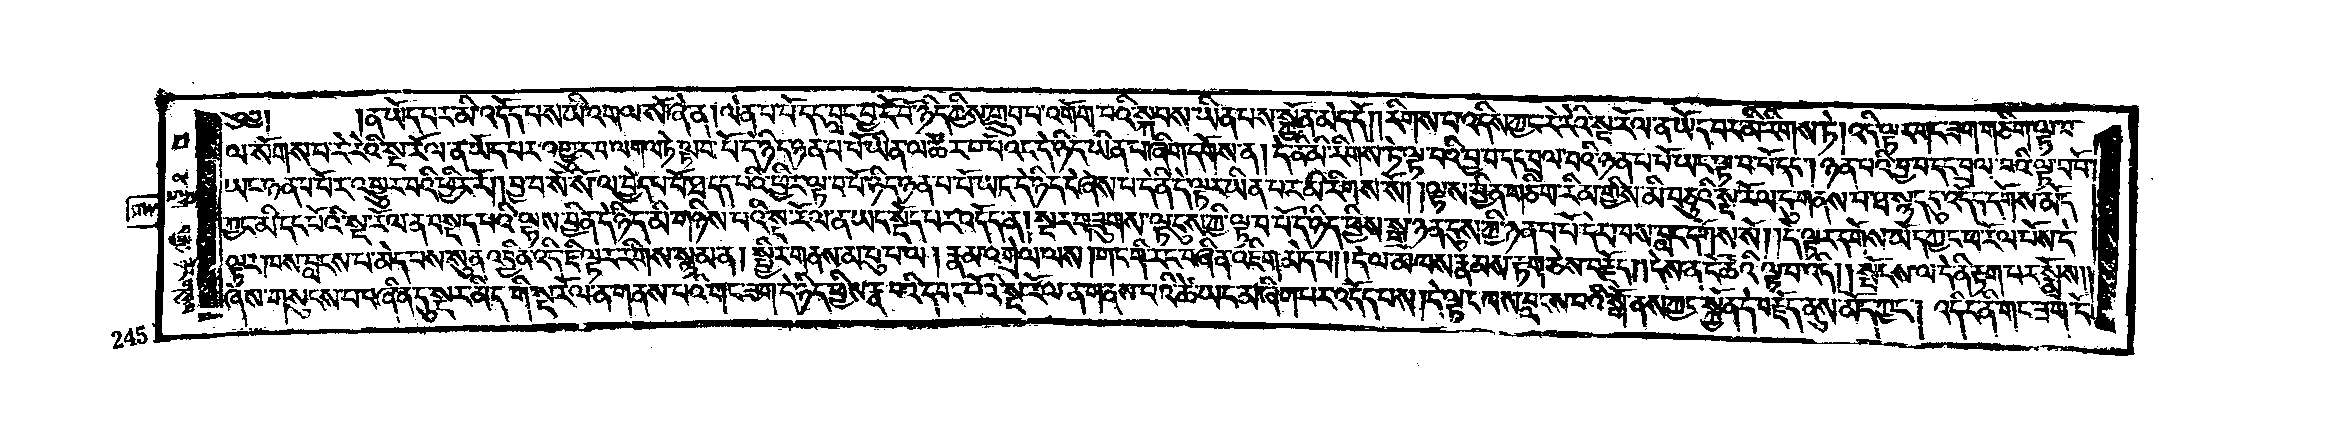༄༅། །ན་ཡོད་པར་མི་འདོད་པས་ཡི་འགལ་སོ་ཞེ་ན། ལེན་པ་པོ་དང་བླང་བྱ་ངོ་བོ་ཉིད་ཀྱིས་གྲུབ་པ་འགོག་པའི་སྐབས་ཡིན་པས་སྐྱོན་མེད་དོ། །རིགས་པ་འདིས་ཀང་རེ་རེའི་སྔ་རོལ་ན་ཡོད་པར་མི་རིགས་ཏེ། འདི་ལྟར་གང་ཟག་གཅིག་ལྟ་བ་
ལ་སོགས་པ་རེ་རེའི་སྔ་རོལ་ན་ཡོད་པར་འགྱུར་བ་ལ་གལ་ཏེ་ལྟ་བ་པོ་དེ་ཉིད་ཉན་པ་པོ་ཡིན་ལ་ཚོར་བ་པའང་དེ་ཉིད་ཡིན་བཞིག་དགོས་ན། དེ་ནི་མི་རིགས་ཏེ་ལྟ་བའི་བྱ་བ་དང་བྲལ་བའི་ཉན་པ་པོ་ཡང་ལྟ་བ་པོ་དང་། ཉན་པའི་བྱ་བ་དང་བྲལ་བའི་ལྟ་བ་པོ་
ཡང་ཉན་པ་པོར་འགྱུར་བའི་ཕྱིར་རོ། །བྱ་བ་སོ་སོ་ལ་བྱེད་པ་པོ་ཐ་དད་པའི་ཕྱིར་ལྟ་བ་པོ་ཉིད་ཉན་པ་པོ་ཡང་དེ་ཉིད་དེ་ཞེས་པ་དེ་ནི་དེ་ལྟར་ཡིན་པར་མི་རིགས་སོ། །ལྷས་བྱིན་གཅིག་རིམ་གྱིས་མི་བཅུའི་སྔ་རོལ་དུ་གནས་པ་ཐ་སྙད་དུ་འདོད་དོགས་མེད་
ཀྱང་མི་དང་པོའི་སྔ་རོལ་ན་བསྡད་པའི་ལྷས་བྱིན་དེ་ཉིད་མི་གཉིས་པའི་སྔ་རོལ་ན་ཡང་སྡོད་པར་འདོད་ན། སྔར་གཟུགས་ལྟ་དུས་ཀྱི་ལྟ་བ་པོ་དེ་ཉིད་ཕྱིས་སྒྲ་ཉན་དུས་ཀྱི་ཉན་པ་པོ་དེར་ཁས་བླང་དགོས་སོ། །དེ་ལྟར་དགོས་ཡོད་ཀྱང་ཕ་རོལ་པོས་དེ་
ལྟར་ཁས་བླངས་པ་མེད་པས་སུན་འབྱིན་འདི་ཇི་ལྟར་རིགས་སྙམ་ན། སྤྱིར་གནས་མ་བུ་པ་ལ། རྣམ་འགྲེལ་ལས། གང་གི་རང་བཞིན་འཇིག་མེད་པ། །དེ་ལ་མཁས་རྣམས་རྟག་ཅེས་བརྗོད། །དེས་ན་ངོ་ཚའི་ལྟ་བ་འདི། །སྲོངས་ལ་དེ་ནི་རྟག་པར་སྨྲོས། །
ཞེས་གསུངས་པ་བཞིན་དུ་སྔར་མིག་གི་སྔ་རོལ་ན་གནས་པའི་གང་ཟག་དེ་ཉིད་ཕྱིས་རྣ་བའི་དབང་པོའི་སྔ་རོལ་ན་གནས་པའི་ཚེ་ཡང་མ་ཞིག་པར་འདོད་པས། དེ་ལྟར་ཁས་བླངས་པའི་སྒོ་ནས་ཀྱང་སྐྱོན་དེ་བརྗོད་ནུས་མོད་ཀྱང་། འདིར་ནི་གང་ཟག་དོ་